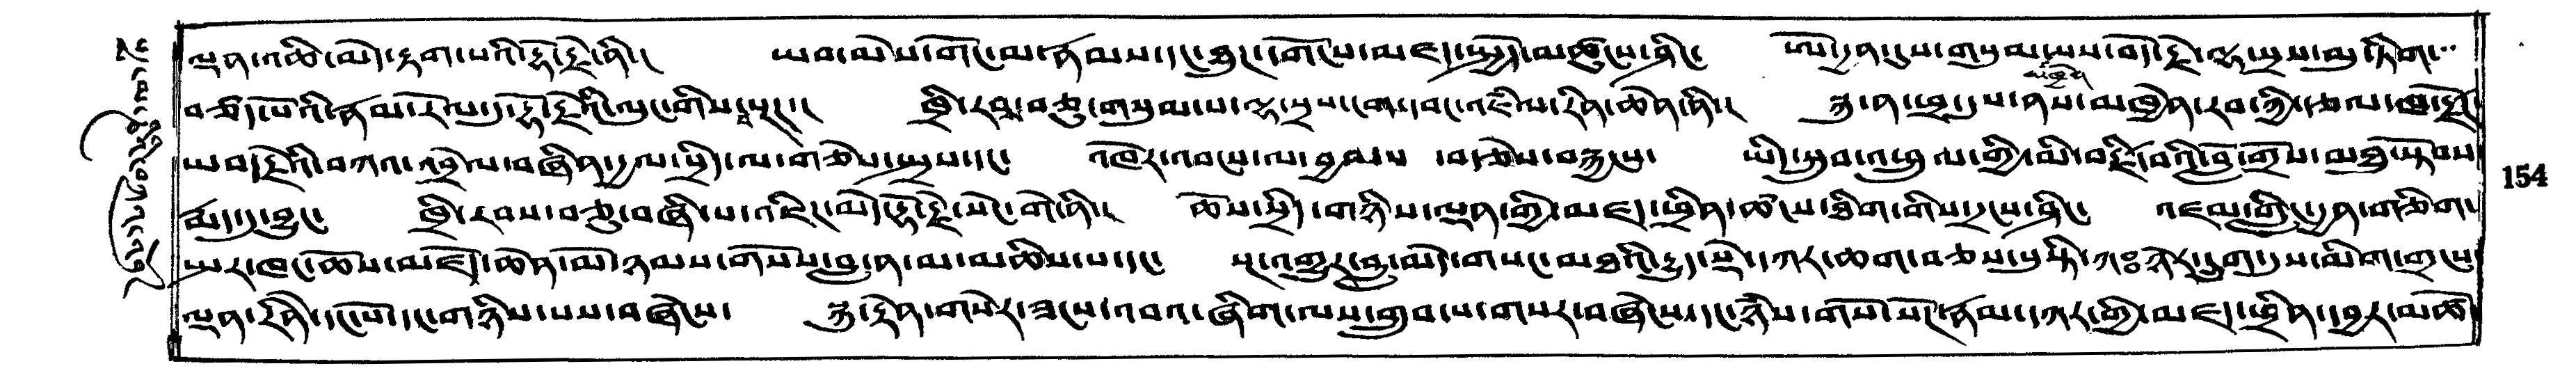ལྡན་འཆི་མེད་རྟག་པའི་རྡོ་རྗེ་ནི། ཡབ་མེས་གོང་མ་རྣམས་དང་ཐུགས་དགོངས་མཛད་སྤྱོད་མཚུངས་ཤིང་། ཨོ་རྒྱན་དུས་གསུམ་མཁྱེན་པས་བོད་རྗེ་ལྷ་སྲས་མུ་ཏིག་
བཙད་པོའི་རྣམ་རོལ་དུ་རྡོ་རྗེའི་ལུང་གིས་བསྔགས། ཁྲི་རབས་བཅུ་གསུམ་པ་ལྷ་སྲས་ངག་དབང་འཇམ་དཔལ་རིན་ཆེན་ནི། སྐུ་ན་ཕྲ་དུས་ནས་མཁྱེན་རབ་ཀྱི་རྩལ་ཁ་རྫོགས།
ཡབ་རྗེའི་བཀའ་འབྲེལ་བཞིན་རྒྱལ་སྲིད་ལ་གཅེས་སྤྲས་དང་། འཁོར་འབངས་ལ་བྱམས་བརྩེས་བསྐྱངས། ཡིད་སྲུབ་འཕྲུལ་གྱིས་མི་བརྫི་བའི་བློ་གྲོས་དང་མཐུ་སྟོབས་
རྨད་དུ་བྱུང་། ཁྲི་རབས་བཅུ་བཞི་པ་འཇིགས་མེད་རྡོ་རྗེ་སེང་གེ་ནི། ཆོས་སྲིད་གཉིས་ལྡན་གྱི་མཛད་ཕྲིན་ཚངས་ཐིག་ལས་དྲང་ཤིང་། འཛམ་གླིང་རྒྱན་གཅིག་
སྤར་ཁང་ཆོས་མཛོད་ཆེན་མོ་ཉམས་གསོས་བླ་ན་མ་མཆིས་པ་དང་། སྔ་འགྱུར་བླ་མེད་གསང་བའི་རྒྱུད་སྡེ་དཀར་ཆག་བཅས་པུསྟི་ཉེར་དྲུག་དུས་མིག་གྲངས་
ལྡན་རིན་ཆེན་དང་པོ་དང་གཉིས་པས་བཞེངས། སྐུ་རྟེན་གསེར་ཟངས་འབའ་ཞིག་ལས་གྲུབ་པ་གསར་བཞེངས་དང་ཉམས་གསོ་སོགས་རྣམ་དཀར་གྱི་མཛད་ཕྲིན་དབྱར་མཚོ་